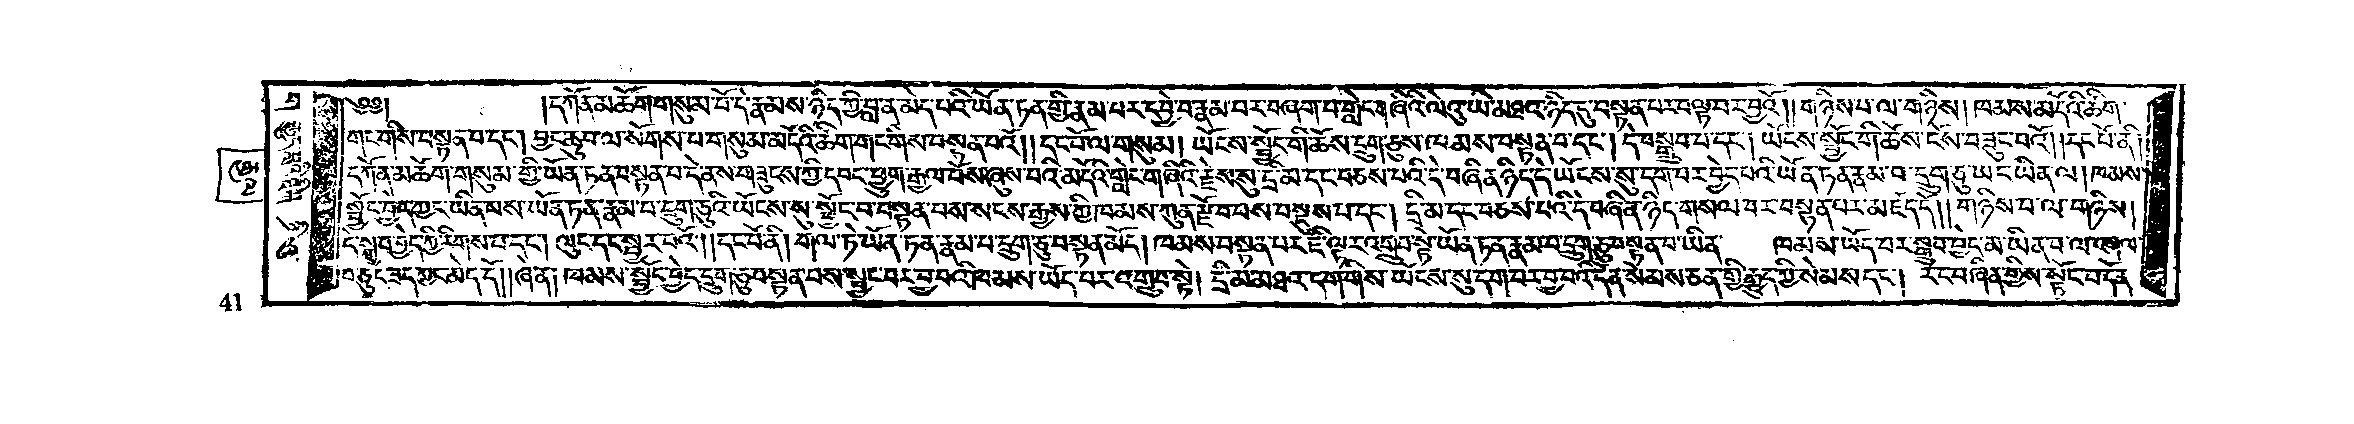༄༅། །དཀོན་མཆོག་གསུམ་པོ་དེ་རྣམས་ཉིད་ཀྱི་བླ་ན་མེད་པའི་ཡོན་ཏན་གྱི་རྣམ་པར་དབྱེ་བ་རྣམ་པར་བཞག་པ་གླེང་གཞིའི་ལེའུ་ཡི་མཐའ་ཉིད་དུ་བསྟན་པར་བལྟ་བར་བྱའོ། །གཉིས་པ་ལ་གཉིས། ཁམས་མདོའི་ཚིག་
གང་གིས་བསྟན་པ་དང་། བྱང་ཆུབ་ལ་སོགས་པ་གསུམ་མདོའི་ཚིག་གང་གིས་བསྟན་པའོ། །དང་པོ་ལ་གསུམ། ཡོངས་སྦྱོང་གི་ཆོས་དྲུག་ཅུས་ཁམས་བསྟན་པ་དང་། དེ་བསྒྲུབ་པ་དང་། ཡོངས་སྦྱོང་གི་ཆོས་ངོས་བཟུང་བའོ། །དང་པོ་ནི།
དཀོན་མཆོག་གསུམ་གྱི་ཡོན་ཏན་བསྟན་པ་དེ་ནས་གཟུངས་ཀྱི་དབང་ཕྱུག་རྒྱལ་པོས་ཞུས་པའི་མདོའི་གླེང་གཞིའི་རྗེས་སུ་དྲི་མ་དང་བཅས་པའི་དེ་བཞིན་ཉིད་དེ་ཡོངས་སུ་དག་པར་བྱེད་པའི་ཡོན་ཏན་རྣམ་པ་དྲུག་ཅུ་ཡང་ཡིན་ལ། ཁམས་
སྦྱོང་བྱེད་ཀྱང་ཡིན་པས་ཡོན་ཏན་རྣམ་པ་དྲག་ཅུའི་ཡོངས་སུ་སྦྱོང་བ་བསྟན་པས་སངས་རྒྱས་ཀྱི་ཁམས་ཀུན་རྫོབ་པས་བསྡུས་པ་དང་། དྲི་མ་དང་བཅས་པའི་དེ་བཞིན་ཉིད་གསལ་བར་བསྟན་པར་མཛད་དོ། །གཉིས་པ་ལ་གཉིས།
དེ་སྒྲུབ་བྱེད་ཀྱི་རིགས་པ་དང་། ལུང་དང་སྦྱར་བའོ། །དང་པོ་ནི། གལ་ཏེ་ཡོན་ཏན་རྣམ་པ་དྲུག་ཅུ་བསྟན་མོད། ཁམས་བསྟན་པར་ཇི་ལྟར་འགྲུབ་སྟེ་ཡོན་ཏན་རྣམ་པ་དྲུག་ཅུ་བསྟན་པ་ཡིན། ཁམས་ཡོད་པར་སྒྲུབ་བྱེད་མ་ཡིན་པ་ལ་འགལ་
བ་ཅུང་ཟད་ཀྱང་མེད་དོ། །ཞེ་ན། ཁམས་སྦྱོང་བྱེད་དྲུག་ཅུ་བསྟན་པས་སྦྱང་བར་བྱ་བའི་ཁམས་ཡོད་པར་འགྲུབ་སྟེ། དྲི་མ་མཐའ་དག་གིས་ཡོངས་སུ་དག་པར་བྱ་བའི་དོན་སེམས་ཅན་གྱི་རྒྱུད་ཀྱི་སེམས་དང་། རང་བཞིན་གྱིས་སྟོང་བ་དོན་